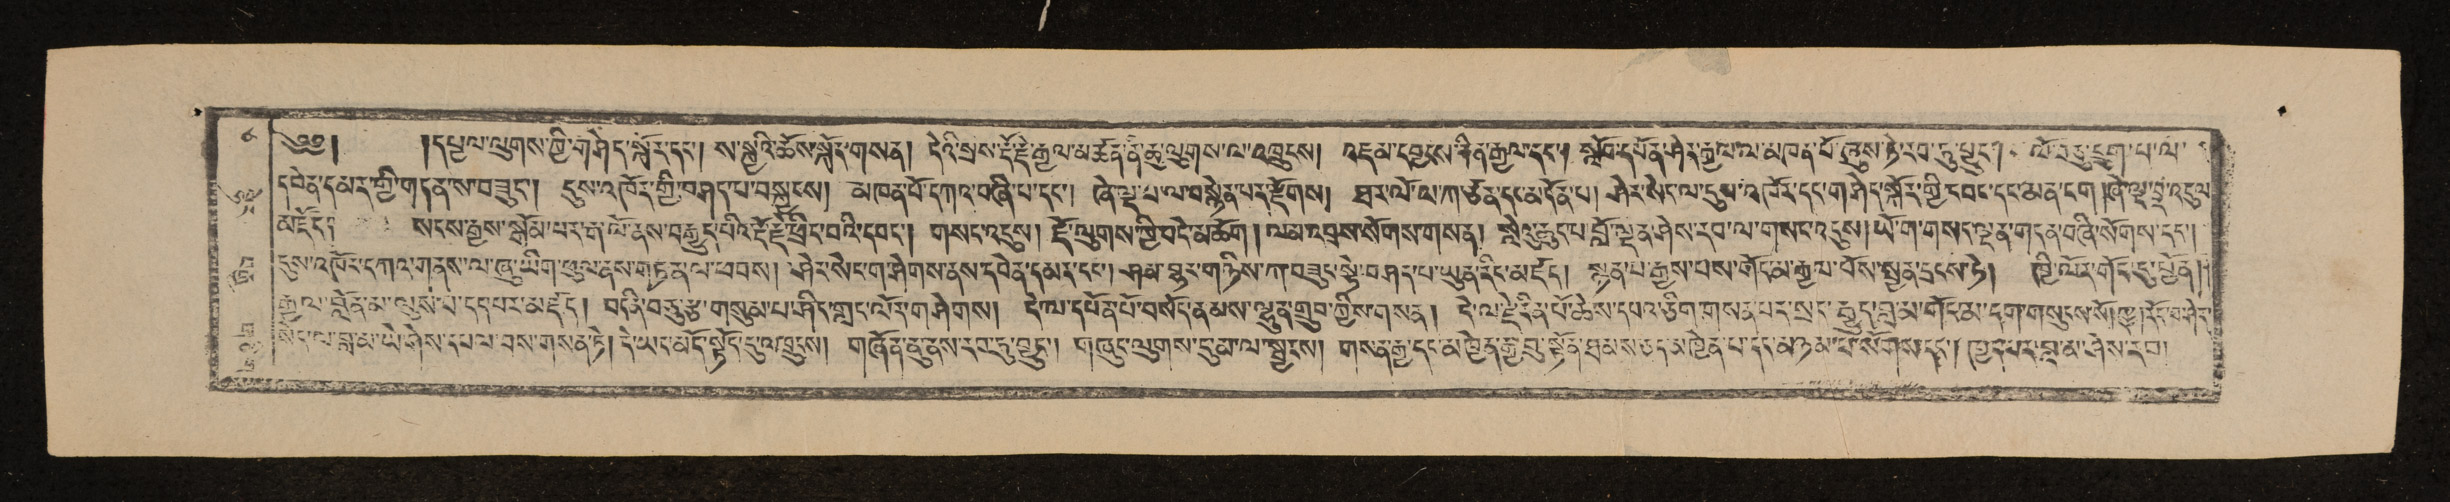༄༅། །དཔྱལ་ལུགས་ཀྱི་གཤེད་སྐོར་དང་། ས་སྐྱའི་ཆོས་སྐོར་གསན། དེའི་སྲས་རྡོ་རྗེ་རྒྱལ་མཚན་ནི་ཆུ་ལུག་ལ་འཁྲུངས། འཇམ་དབྱངས་རིན་རྒྱལ་དང་། སློབ་དཔོན་ཤེར་རྒྱལ་ལ་མཁན་པོ་ཞུས་ཏེ་རབ་ཏུ་བྱུང་། ལོ་བཅུ་དྲུག་པ་ལ་
དབེན་དམར་གྱི་གདན་ས་བཟུང་། དུས་འཁོར་གྱི་བཤད་པ་བསྐྱངས། མཁན་པོ་དཀའ་བཞི་པ་དང་། ཞེ་ལ་བ་ལ་བསྙེན་པར་རྫོགས། ཐར་ལོ་ལ་ཀ་ཙན་དང་མངོན་པ། ཤེར་སེང་ལ་དུས་འཁོར་དང་གཤེད་སྐོར་གྱི་དབང་དང་མན་ངག །ཞེ་ལྔ་པར་
འདུལ་མཛོད། སངས་རྒྱས་སྒོམ་པར་རྒ་ལོ་ནས་བརྒྱུད་པའི་རྡོ་རྗེ་ཕྲེང་བའི་དབང་། གསང་འདུས། ཇོ་ལུགས་ཀྱི་བདེ་མཆོག །ལམ་འབྲས་སོགས་གསན། སླེའུ་ཆུང་བ་བློ་ལྡན་ཤེས་རབ་ལ་གསང་འདུས། ཡོ་ག་གསང་ལྡན་གདན་བཞི་སོགས་དང་།
དུས་འཁོར་དཀའ་གནས་ལ་ཞུ་ཡིག་ཕུལ་ནས་གཏན་ལ་ཕབས། ཤེར་སེང་གཤེགས་ནས་དབེན་དམར་དང་། ཤམ་བྷར་གཉིས་ཀ་བཟུང་སྟེ་བཤད་པ་ཡུན་རིང་མཛད། སྙན་བ་རྒྱས་པས་གོང་མ་རྒྱལ་པོས་སྤྱན་དྲངས་ཏེ། ཁྱི་ལོར་གོང་དུ་བྱོན།
རྒྱལ་བློན་མ་ལུས་པ་དད་པར་མཛད། བཞི་བཅུ་རྩ་གསུམ་པ་ཤིང་གླང་ལོར་གཤེགས། དེ་ལ་དཔོན་པོ་བསོད་ནམས་ལྷུན་གྲུབ་ཀྱིས་གསན། དེ་ལ་རྗེ་རིན་པོ་ཆེས་དཔའ་ཅིག་གསན་པར་སྲད་རྒྱུད་བླ་མ་གོང་མ་དག་གསུངས་སོ། ༈ །རོང་པ་ཤེར་
སེང་ལ་བླ་མ་ཡེ་ཤེས་དཔལ་བས་གསན་ཏེ། དེ་ཡང་མདོ་སྟོད་དུ་འཁྲུངས། གཞོན་ནུ་ནས་རབ་ཏུ་བྱུང་། གཞུང་ལུགས་དུ་མ་ལ་སྦྱངས། གསན་རྒྱ་དང་མཁྱེན་རྒྱ་བུ་སྟོན་ཐམས་ཅད་མཁྱེན་པ་དང་མཉམ་པ་སོགས་དང་། ཁྱད་པར་བླ་མ་ཤེས་རབ་